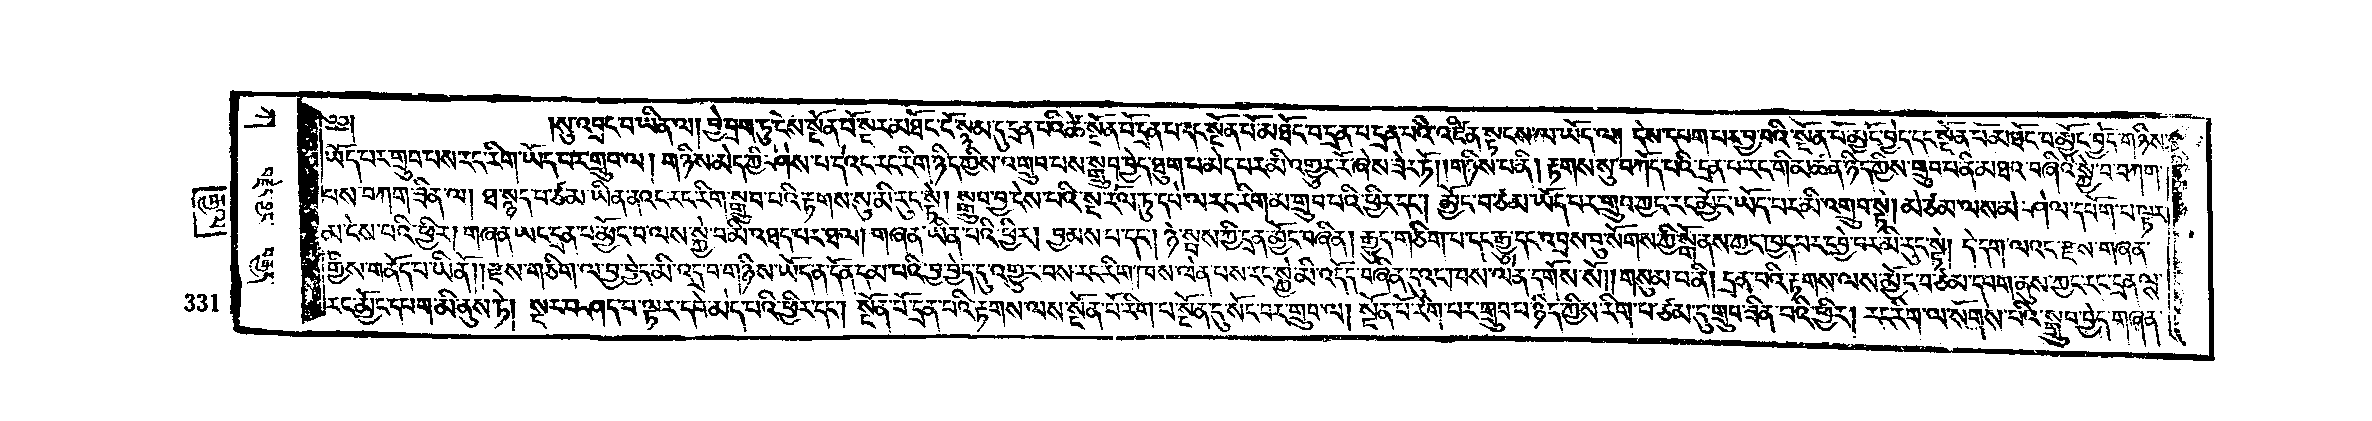༄༅། །སུ་འབྲང་བ་ཡིན་ལ། བྱེ་བྲག་ཏུ་ངེས་སྔོན་པོ་སྔར་མཐོང་ངོ་སྙམ་དུ་དྲན་པའི་ཚེ་སྔོན་པོ་དྲན་པ་དང་སྔོན་པོ་མཐོང་བ་དྲན་པ་དྲན་པའི་འཛིན་སྟངས་ལ་ཡོད་ལ། དེས་དཔག་པར་བྱ་བའི་སྔོན་པོ་མྱོང་བྱེད་དང་སྔོན་པོ་མཐོང་བ་མྱོང་བྱེད་གཉིས་
ཡོད་པར་གྲུབ་པས་རང་རིག་ཡོད་པར་གྲུབ་ལ། གཉིས་མེད་ཀྱི་ཤེས་པ་དེའང་རང་རིག་ཉིད་ཀྱིས་འགྲུབ་པས་སྒྲུབ་བྱེད་ཐུག་པ་མེད་པར་མི་འགྱུར་རོ་ཞེས་ཟེར་ཏོ། །གཉིས་པ་ནི། རྟགས་སུ་བཀོད་པའི་དྲན་པ་རང་གི་མཚན་ཉིད་ཀྱིས་གྲུབ་པ་ནི་མཐའ་བཞིའི་སྐྱེ་བ་བཀག་
པས་བཀག་ཟིན་ལ། ཐ་སྙད་པ་ཙམ་ཡིན་ནའང་རང་རིག་སྒྲུབ་པའི་རྟགས་སུ་མི་རུང་སྟེ། སྒྲུབ་བྱ་ངེས་པའི་སྔ་རོལ་ཏུ་དཔེ་ལ་རང་རིག་མ་གྲུབ་པའི་ཕྱིར་དང་། མྱོང་བ་ཙམ་ཡོད་པར་གྲུབ་ཀྱང་རང་མྱོང་ཡོད་པར་མི་འགྲུབ་སྟེ། མེ་ཙམ་ལས་མེ་ཤེལ་དཔོག་པ་ལྟར་
མ་ངེས་པའི་ཕྱིར། གཞན་ཡང་དྲན་པ་མྱོང་བ་ལས་སྐྱེ་བ་མི་འཐད་པར་ཐལ། གཞན་ཡིན་པའི་ཕྱིར། བྱམས་པ་དང་། ཉེ་སྦས་ཀྱི་དྲན་མྱོང་བཞིན། རྒྱུད་གཅིག་པ་དང་རྒྱུ་དང་འབྲས་བུ་སོགས་ཀྱི་སྒོ་ནས་ཀྱང་ཁྱད་པར་དབྱེ་བར་མི་རུང་སྟེ། དེ་དག་ལའང་རྫས་གཞན་
གྱིས་གནོད་པ་ཡིན་ནོ། །རྫས་གཅིག་ལ་བྱ་བྱེད་མི་འདྲ་བ་གཉིས་ཡོད་ན་དོན་དམ་པའི་བྱ་བྱེད་དུ་འགྱུར་བས་རང་རིག་ཁས་ལེན་པས་རང་སྐྱེ་མི་འདོད་བཞིན་དུའང་ཁས་ལེན་དགོས་སོ། །གསུམ་པ་ནི། དྲན་པའི་རྟགས་ལས་མྱོང་བ་ཙམ་དཔག་ནུས་ཀྱང་རང་དྲན་ལས་
རང་མྱོང་དཔག་མི་ནུས་ཏེ། སྔར་བཤད་པ་ལྟར་དཔེ་མེད་པའི་ཕྱིར་དང་། སྔོན་པོ་དྲན་པའི་རྟགས་ལས་སྔོན་པོ་རིག་པ་སྔོན་དུ་སོང་བར་གྲུབ་ལ། སྔོན་པོ་རིག་པར་གྲུབ་པ་ཉིད་ཀྱིས་རིག་པ་ཙམ་དུ་གྲུབ་ཟིན་པའི་ཕྱིར། རང་རིག་ལ་སོགས་པའི་སྒྲུབ་བྱེད་གཞན་